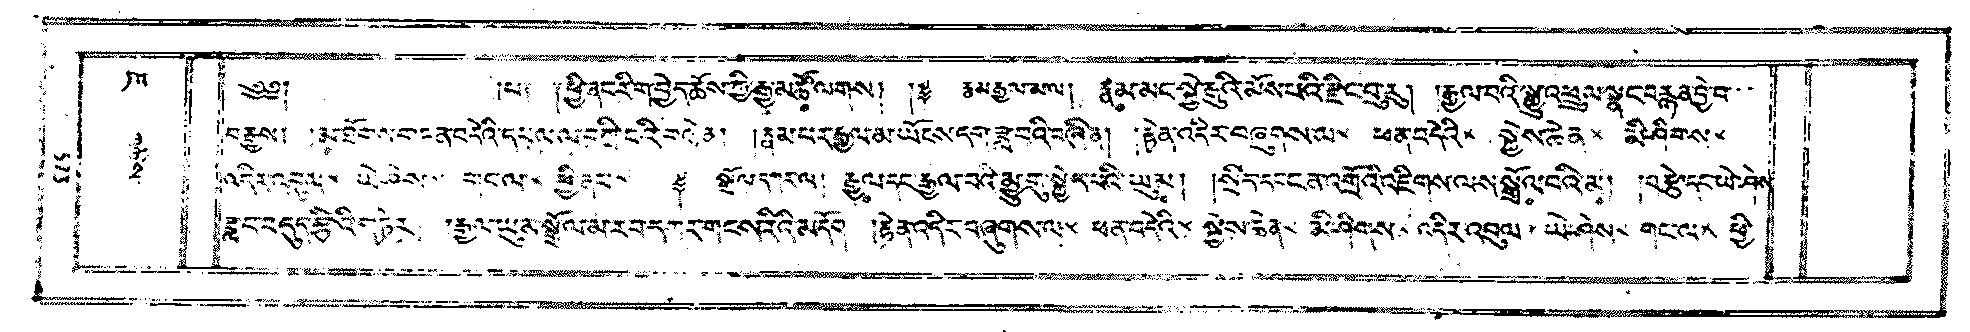༄༅། །པ༑ ༑ཕྱི་ནང་རིག་བྱེད་ཆོས་ཀྱི་རྒྱ྾་མཚོ྾་ལགས། ། ༈ རྣམ་རྒྱལ་མ་ལ།  རྣམ྾་མང་སྐྱེ་རྒུའི་མོས་པའི་རྫིང་བུ་རུ། །རྒྱལ྾་བའི་སྒྱུ་འཕྲུལ་སྣང་བརྙན་བྱེ་བ་
བརྒྱས། །མ྾་ཐོགས་གཏན་བདེའི་དཔལ་ལ་བཀྲི་བའི་གཉེན། །རྣམ་པར་རྒྱལ་མ་ཡོངས་དག་ཟླ་བའི་བཞིན། །རྟེན་འདིར་བཞུགས་ལ་྾་ཕན་བདེའི་྾་སྐྱེས་ཆེན་྾་མི་ཤིགས་྾་
འདིར་འབུལ་྾་ཡེ་ཤེས་྾་གང་ལ་྾་ཕྱི་ནང་྾་༈ སྒྲོལ་དཀར་ལ།  རྒྱལ྾་དང་རྒྱལ་བའི་མྱུ་གུ་སྐྱེད་པའི་ཡུམ྾། །སྲིད་དང་ངན་འགྲོའི་འཇིགས་ལས་སྒྲོལ྾་བའི་མ྾། །བརྩེ་དང་ཡེ་ཤེས་
ཟླ་བ་བདུད་རྩིའི་གཏེར། །རྒྱལ་ཡུམ་སྒྲོལ་མ་རབ་དཀར་གངས་རིའི་མདོག །རྟེན་འདིར་བཞུགས་ལ་྾་ཕན་བདེའི་྾་སྐྱེས་ཆེན་྾་མི་ཤིགས་྾་འདིར་འབུལ་྾་ཡེ་ཤེས་྾་གང་ལ་྾་ཕྱི་